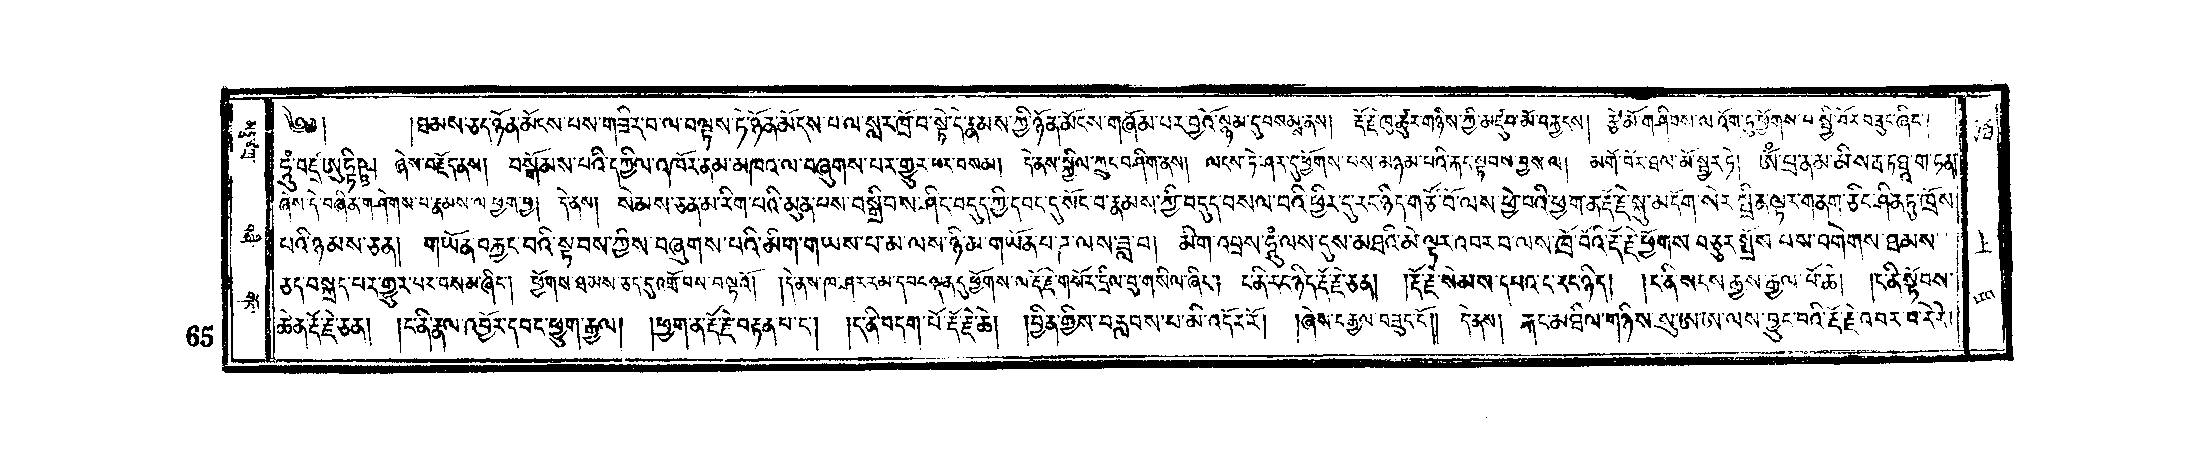༄༅། །ཐམས་ཅད་ཉོན་མོངས་པས་གཟིར་བ་ལ་བལྟས་ཏེ་ཉོན་མོངས་པ་ལ་སླར་ཁྲོ་བ་སྟེ་དེ་རྣམས་ཀྱི་ཉོན་མོངས་གཞོམ་པར་བྱའོ་སྙམ་དུ་བསམས་ནས། རྡོ་རྗེ་ཁུ་ཚུར་གཉིས་ཀྱི་མཛུབ་མོ་བརྐྱངས། རྩེ་མོ་གཤིབས་ལ་འོག་ཏུ་ཕྱོགས་པ་སྤྱི་བོར་བཟུང་ཞིང་།
ཧཱུཾ་བཛྲ་ཨུཏྟིཥཊཿཨ། ཞེས་བརྗོད་ནས། བསྒོམས་པའི་དཀྱིལ་འཁོར་ནམ་མཁའ་ལ་བཞུགས་པར་གྱུར་པར་བསམ། དེ་ནས་སྐྱིལ་ཀྲུང་བཤིག་ནས། ལངས་ཏེ་ཤར་དུ་ཕྱོགས་པས་མཉམ་པའི་རྐང་སྟབས་བྱས་ལ། མགོ་བོར་ཐལ་མོ་སྦྱར་ཏེ། ཨོཾ་པྲ་ན་མ་མི་སརྦ་ཏ་ཐཱ་ག་ཏ་ན།
ཞེས་དེ་བཞིན་གཤེགས་པ་རྣམས་ལ་ཕྱག་བྱ། དེ་ནས། སེམས་ཅན་མ་རིག་པའི་མུན་པས་བསྒྲིབས་ཤིང་བདུད་ཀྱི་དབང་དུ་སོང་བ་རྣམས་ཀྱི་བདུད་བསལ་བའི་ཕྱིར་དུ་རང་ཉིད་གཙོ་བོ་ལས་ཕྱེ་བའི་ཕྱག་ན་རྡོ་རྗེ་སྐུ་མདོག་སེར་སྤྲིན་ལྟར་གནག་ཅིང་ཤིན་ཏུ་ཁྲོས་
པའི་ཉམས་ཅན། གཡོན་བརྐྱང་བའི་སྟབས་ཀྱིས་བཞུགས་པའི་མིག་གཡས་པ་མ་ལས་ཉི་མ་གཡོན་པ་ཌ་ལས་ཟླ་བ། མིག་འབྲས་ཧཱུཾ་ལས་དུས་མཐའི་མེ་ལྟར་འབར་བ་ལས་ཁྲོ་བོའི་རྡོ་རྗེ་ཕྱོགས་བཅུར་སྤྲོས་པས་བགེགས་ཐམས་
ཅད་བསྐྲད་པར་གྱུར་པར་བསམ་ཞིང་། ཕྱོགས་ཐམས་ཅད་དུ་འགྲོ་བས་བལྟའོ། །དེ་ནས་ཁ་ཤར་རམ་དབང་ལྡན་དུ་ཕྱོགས་ལ་རྡོ་རྗེ་གསོར་དྲིལ་བུ་གསིལ་ཞིང་། ང་ནི་རང་ཉིད་རྡོ་རྗེ་ཅན། །རྡོ་རྗེ་སེམས་དཔའ་ང་རང་ཉིད། །ང་ནི་སངས་རྒྱས་རྒྱལ་པོ་ཆེ། །ང་ནི་སྟོབས་
ཆེན་རྡོ་རྗེ་ཅན། །ང་ནི་རྣལ་འབྱོར་དབང་ཕྱུག་རྒྱལ། །ཕྱག་ན་རྡོ་རྗེ་བརྟན་པ་ང་། །ང་ནི་བདག་པོ་རྡོ་རྗེ་ཆེ། །བྱིན་གྱིས་བརླབས་པ་མི་འདོར་རོ། །ཞེས་ང་རྒྱལ་བཟུང་ངོ། །དེ་ནས། རྐང་མཐིལ་གཉིས་སུ་ཨ་ཨ་ལས་བྱུང་བའི་རྡོ་རྗེ་འབར་བ་རེ་རེ།